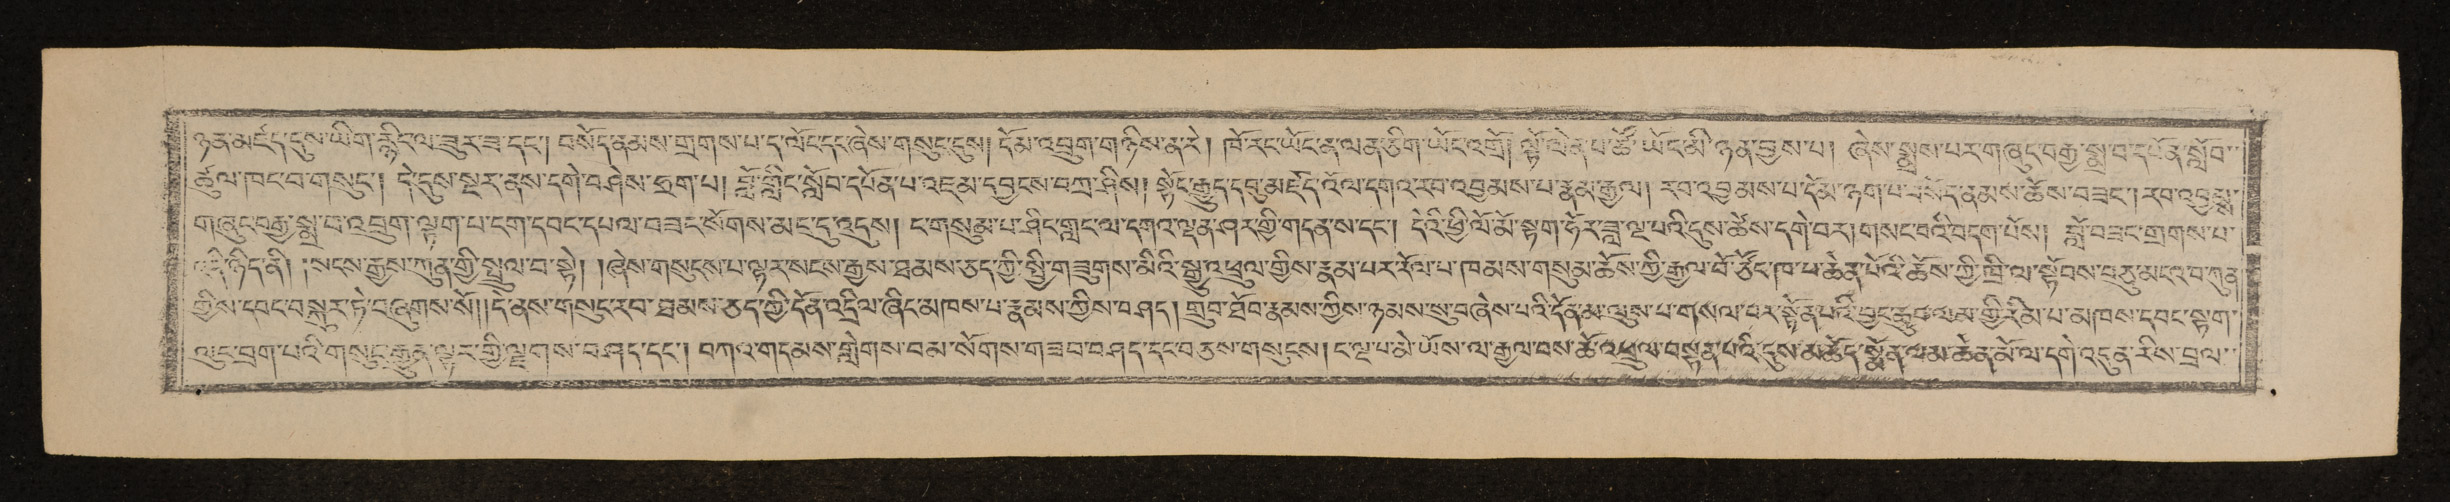སོགས་འཆད་ཉན་མཛད་དུས་ཡིག་རྙིང་ལ་ཟུར་ཟ་དང་། བསོད་ནམས་གྲགས་པ་ད་ལོང་དང་ཞེས་གསུངས་དུས། དོམ་འབྲུག་གཉིས་ན་རེ། ཁོ་རང་ཡོད་ན་ལན་ཅིག་ཡོང་འགྲོ་།ལྟོ་ལེན་པ་ཚོ་ཡོང་མི་ཉན་བྱས་པ། ཞེས་སྨྲས་པར་གཞུང་བརྒྱ་སྨྲ་བ་དཔོན་
སློབ་ཚུལ་ཁང་པ་གསུང་། དེ་དུས་སྔར་ནས་དགེ་བཤེས་ཧྲག་པ། བློ་གླིང་སློབ་དཔོན་པ་འཇམ་དབྱངས་བཀྲ་ཤིས། སྟོང་རྒྱུད་དབུ་མཛད་འོལ་དགའ་རབ་འབྱམས་པ་བྱམས་པ་རྣམ་རྒྱལ། རབ་འབྱམས་པ་དོམ་ཉག་པ་བསོད་ནམས་ཆོས་བཟང་།
རབ་འབྱམས་གཞུང་བརྒྱ་སྨྲ་བ་འབྲུག་ལྟག་པ་ངག་དབང་དཔལ་བཟང་སོགས་མང་དུ་འདུས། ང་གསུམ་པ་ཤིང་གླང་ལ་དགའ་ལྡན་ཤར་གྱི་གདན་ས་དང་། དེའི་ཕྱི་ལོ་མེ་སྟག་ཧོར་ཟླ་ལྔ་པའི་དུས་ཚེས་དགེ་བར། གསང་བའི་བདག་པོས། བློ་བཟང་གྲགས་
པ་འདི་ཉིད་ནི། །སངས་རྒྱས་ཀུན་གྱི་སྤྲུལ་པ་སྟེ། །ཞེས་གསུངས་པ་ལྟར་སངས་རྒྱས་ཐམས་ཅད་ཀྱི་སྤྱི་གཟུགས་མིའི་སྒྱུ་འཕྲུལ་གྱིས་རྣམ་པར་རོལ་པ་ཁམས་གསུམ་ཆོས་ཀྱི་རྒྱལ་པོ་ཙོང་ཁ་པ་ཆེན་པོའི་ཆོས་ཀྱི་ཁྲིལ་སྟོབས་བཅུ་མངའ་བ་ཀུན་
གྱིས་དབང་བསྐུར་ཏེ་བཞུགས་སོ། །དེ་ནས་གསུང་རབ་ཐམས་ཅད་ཀྱི་དོན་འདྲིལ་ཞིང་མཁས་པ་རྣམས་ཀྱིས་བཤད། གྲུབ་ཐོབ་རྣམས་ཀྱིས་ཉམས་སུ་བཞེས་པའི་དོན་མ་ལུས་པ་གསལ་བར་སྟོན་པའི་བྱང་ཆུབ་ལམ་གྱི་རིམ་པ་མཁས་དབང་
སྟག་ལུང་བྲག་པའི་གསུང་རྒྱུན་ལྟར་གྱི་ལྗགས་བཤད་དང་། བཀའ་གདམས་གླེགས་བམ་སོགས་གཟབ་བཤད་དང་བཅས་གསུངས། ང་ལྔ་པ་མེ་ཡོས་ལ་རྒྱལ་བས་ཆོ་འཕྲུལ་བསྟན་པའི་དུས་མཆོད་སྨོན་ལམ་ཆེན་མོ་ལ་དགེ་འདུན་རིས་བྲལ་